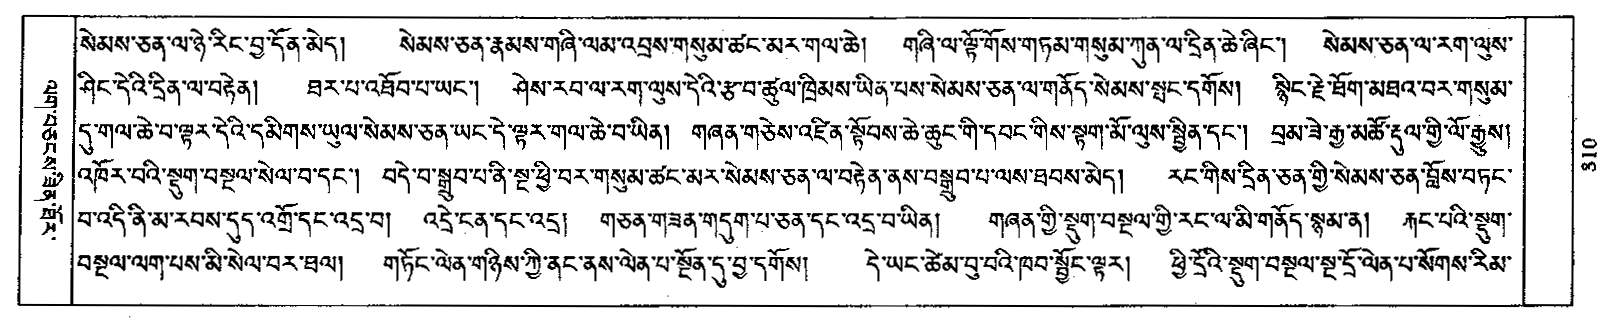སེམས་ཅན་ལ་ཉེ་རིང་བྱ་དོན་མེད། སེམས་ཅན་རྣམས་གཞི་ལམ་འབྲས་གསུམ་ཚང་མར་གལ་ཆེ། གཞི་ལ་ལྟོ་གོས་གཏམ་གསུམ་ཀུན་ལ་དྲིན་ཆེ་ཞིང་། སེམས་ཅན་ལ་རག་ལུས་
ཤིང་དེའི་དྲིན་ལ་བརྟེན། ཐར་པ་འཐོབ་པ་ཡང་། ཤེས་རབ་ལ་རག་ལུས་དེའི་རྩ་བ་ཚུལ་ཁྲིམས་ཡིན་པས་སེམས་ཅན་ལ་གནོད་སེམས་སྤང་དགོས། སྙིང་རྗེ་ཐོག་མཐའ་བར་གསུམ་
དུ་གལ་ཆེ་བ་ལྟར་དེའི་དམིགས་ཡུལ་སེམས་ཅན་ཡང་དེ་ལྟར་གལ་ཆེ་བ་ཡིན། གཞན་གཅེས་འཛིན་སྟོབས་ཆེ་ཆུང་གི་དབང་གིས་སྟག་མོ་ལུས་སྦྱིན་དང་། བྲམ་ཟེ་རྒྱ་མཚོ་རྡུལ་གྱི་ལོ་རྒྱུས།
འཁོར་བའི་སྡུག་བསྔལ་སེལ་བ་དང་། བདེ་བ་སྒྲུབ་པ་ནི་སྔ་ཕྱི་བར་གསུམ་ཚང་མར་སེམས་ཅན་ལ་བརྟེན་ནས་བསྒྲུབ་པ་ལས་ཐབས་མེད། རང་གིས་དྲིན་ཅན་གྱི་སེམས་ཅན་བློས་བཏང་
བ་འདི་ནི་མ་རབས་དུད་འགྲོ་དང་འདྲ་བ། འདྲེ་ངན་དང་འདྲ། གཅན་གཟན་གདུག་པ་ཅན་དང་འདྲ་བ་ཡིན། གཞན་གྱི་སྡུག་བསྔལ་གྱི་རང་ལ་མི་གནོད་སྙམ་ན། རྐང་པའི་སྡུག་
བསྔལ་ལག་པས་མི་སེལ་བར་ཐལ། གཏོང་ལེན་གཉིས་ཀྱི་ནང་ནས་ལེན་པ་སྔོན་དུ་བྱ་དགོས། དེ་ཡང་ཚེམ་བུ་བའི་ཁབ་སྦྱོང་ལྟར། ཕྱི་དྲོའི་སྡུག་བསྔལ་སྔ་དྲོ་ལེན་པ་སོགས་རིམ་